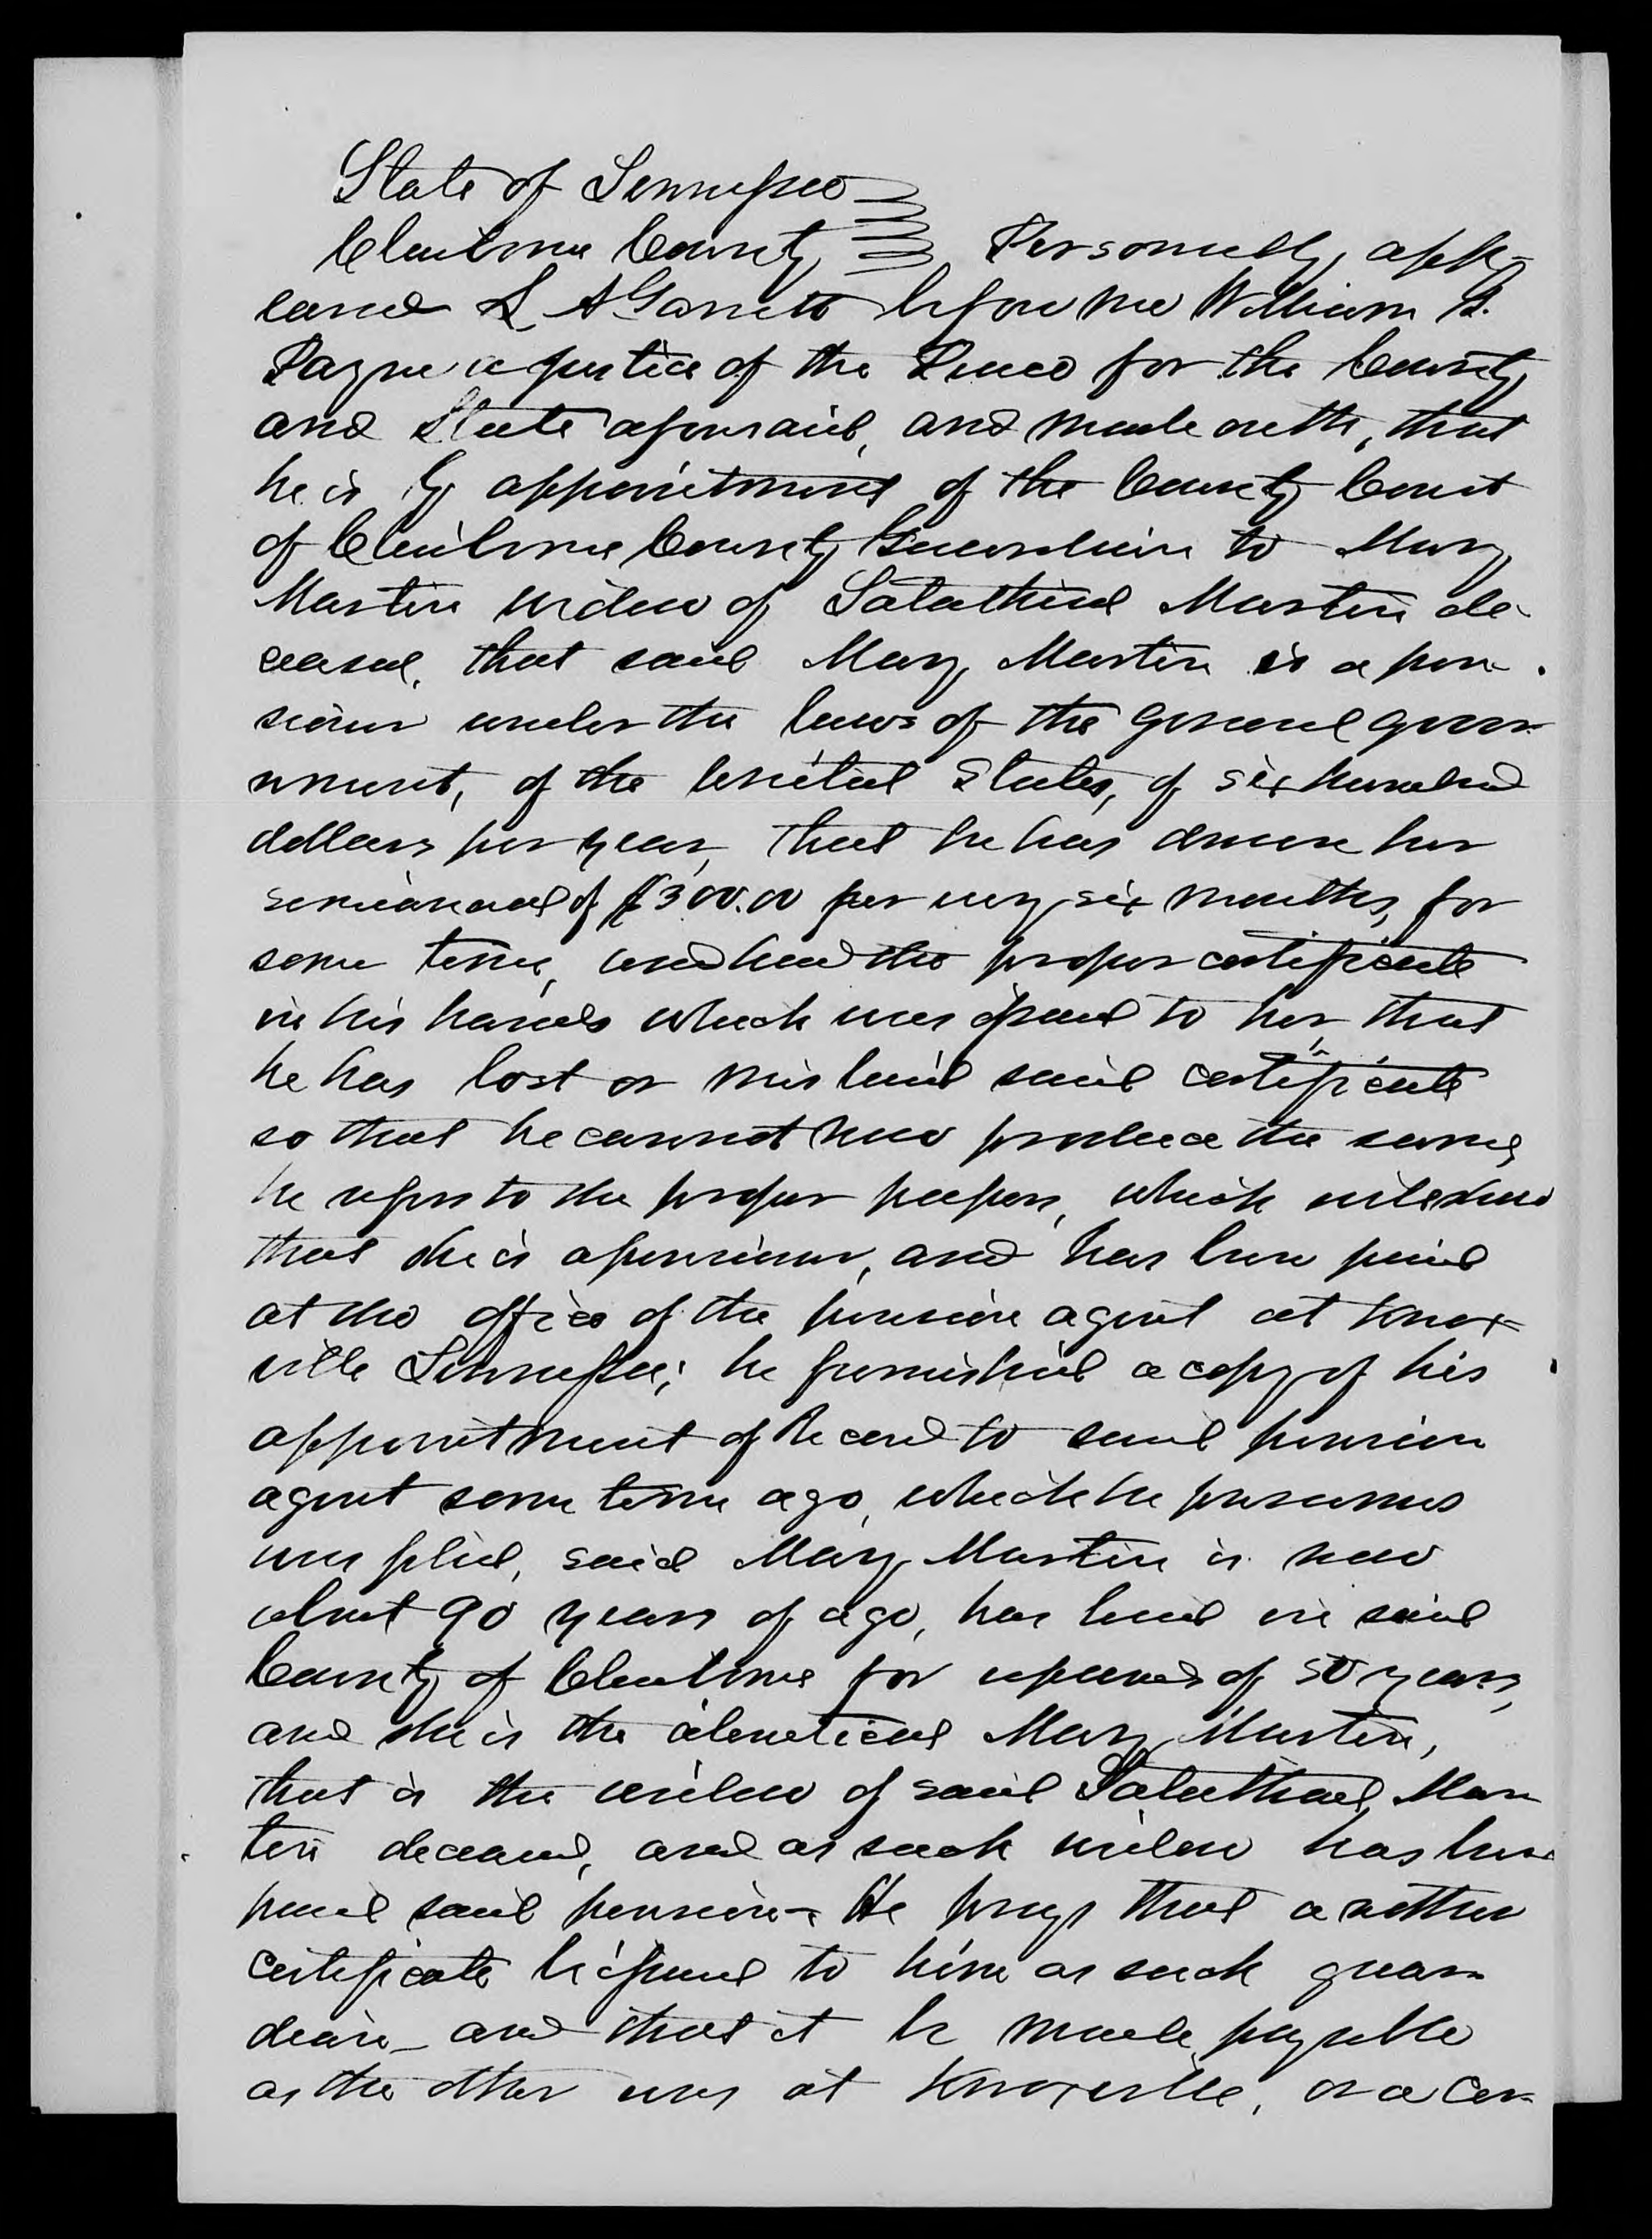State of Tennessee )
Claiborne County   )
Personally app-
eared S A Garrett before me William G.
Payne a Justice of the Peace for the County
and State aforesaid, and made oath, that
he is by appointment of the County Court
of Claiborne County Guardian to Mary
Martin widow of Salathiel Martin de-
ceased, that said Mary Martin is a pen-
sioner under the laws of the general gover-
nment, of the United States, of six hundred
dollars per year, that he has drawn her
semiannual of $300.00 per every six months, for
some time, and had the proper certificate
in his hands which was paid to her that
he has lost or mislaid said certificate
so that he cannot now produce the same
he refers to the proper papers, which will show
that she is a pensioner, and has been paid
at the office of the pension agent at Knox-
ville Tennessee; he furnished a copy of his
appointment of Record to said pension
agent some time ago, which he presumes
was filed, said Mary Martin is now
about 90 years of age, has lived in said
County of Claiborne for upwards of 50 years,
and she is the identical Mary Martin,
that is the widow of said Salathiel Mar-
tin deceased, and as such widow has been
paid said pension--He prays that another
certificate be issued to him as such guar-
dian and that it be made payable
as the other was at Knoxville, as a cer-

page: 40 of 120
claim: widow's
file: W. 1044, for Salathiel Martin, North Carolina